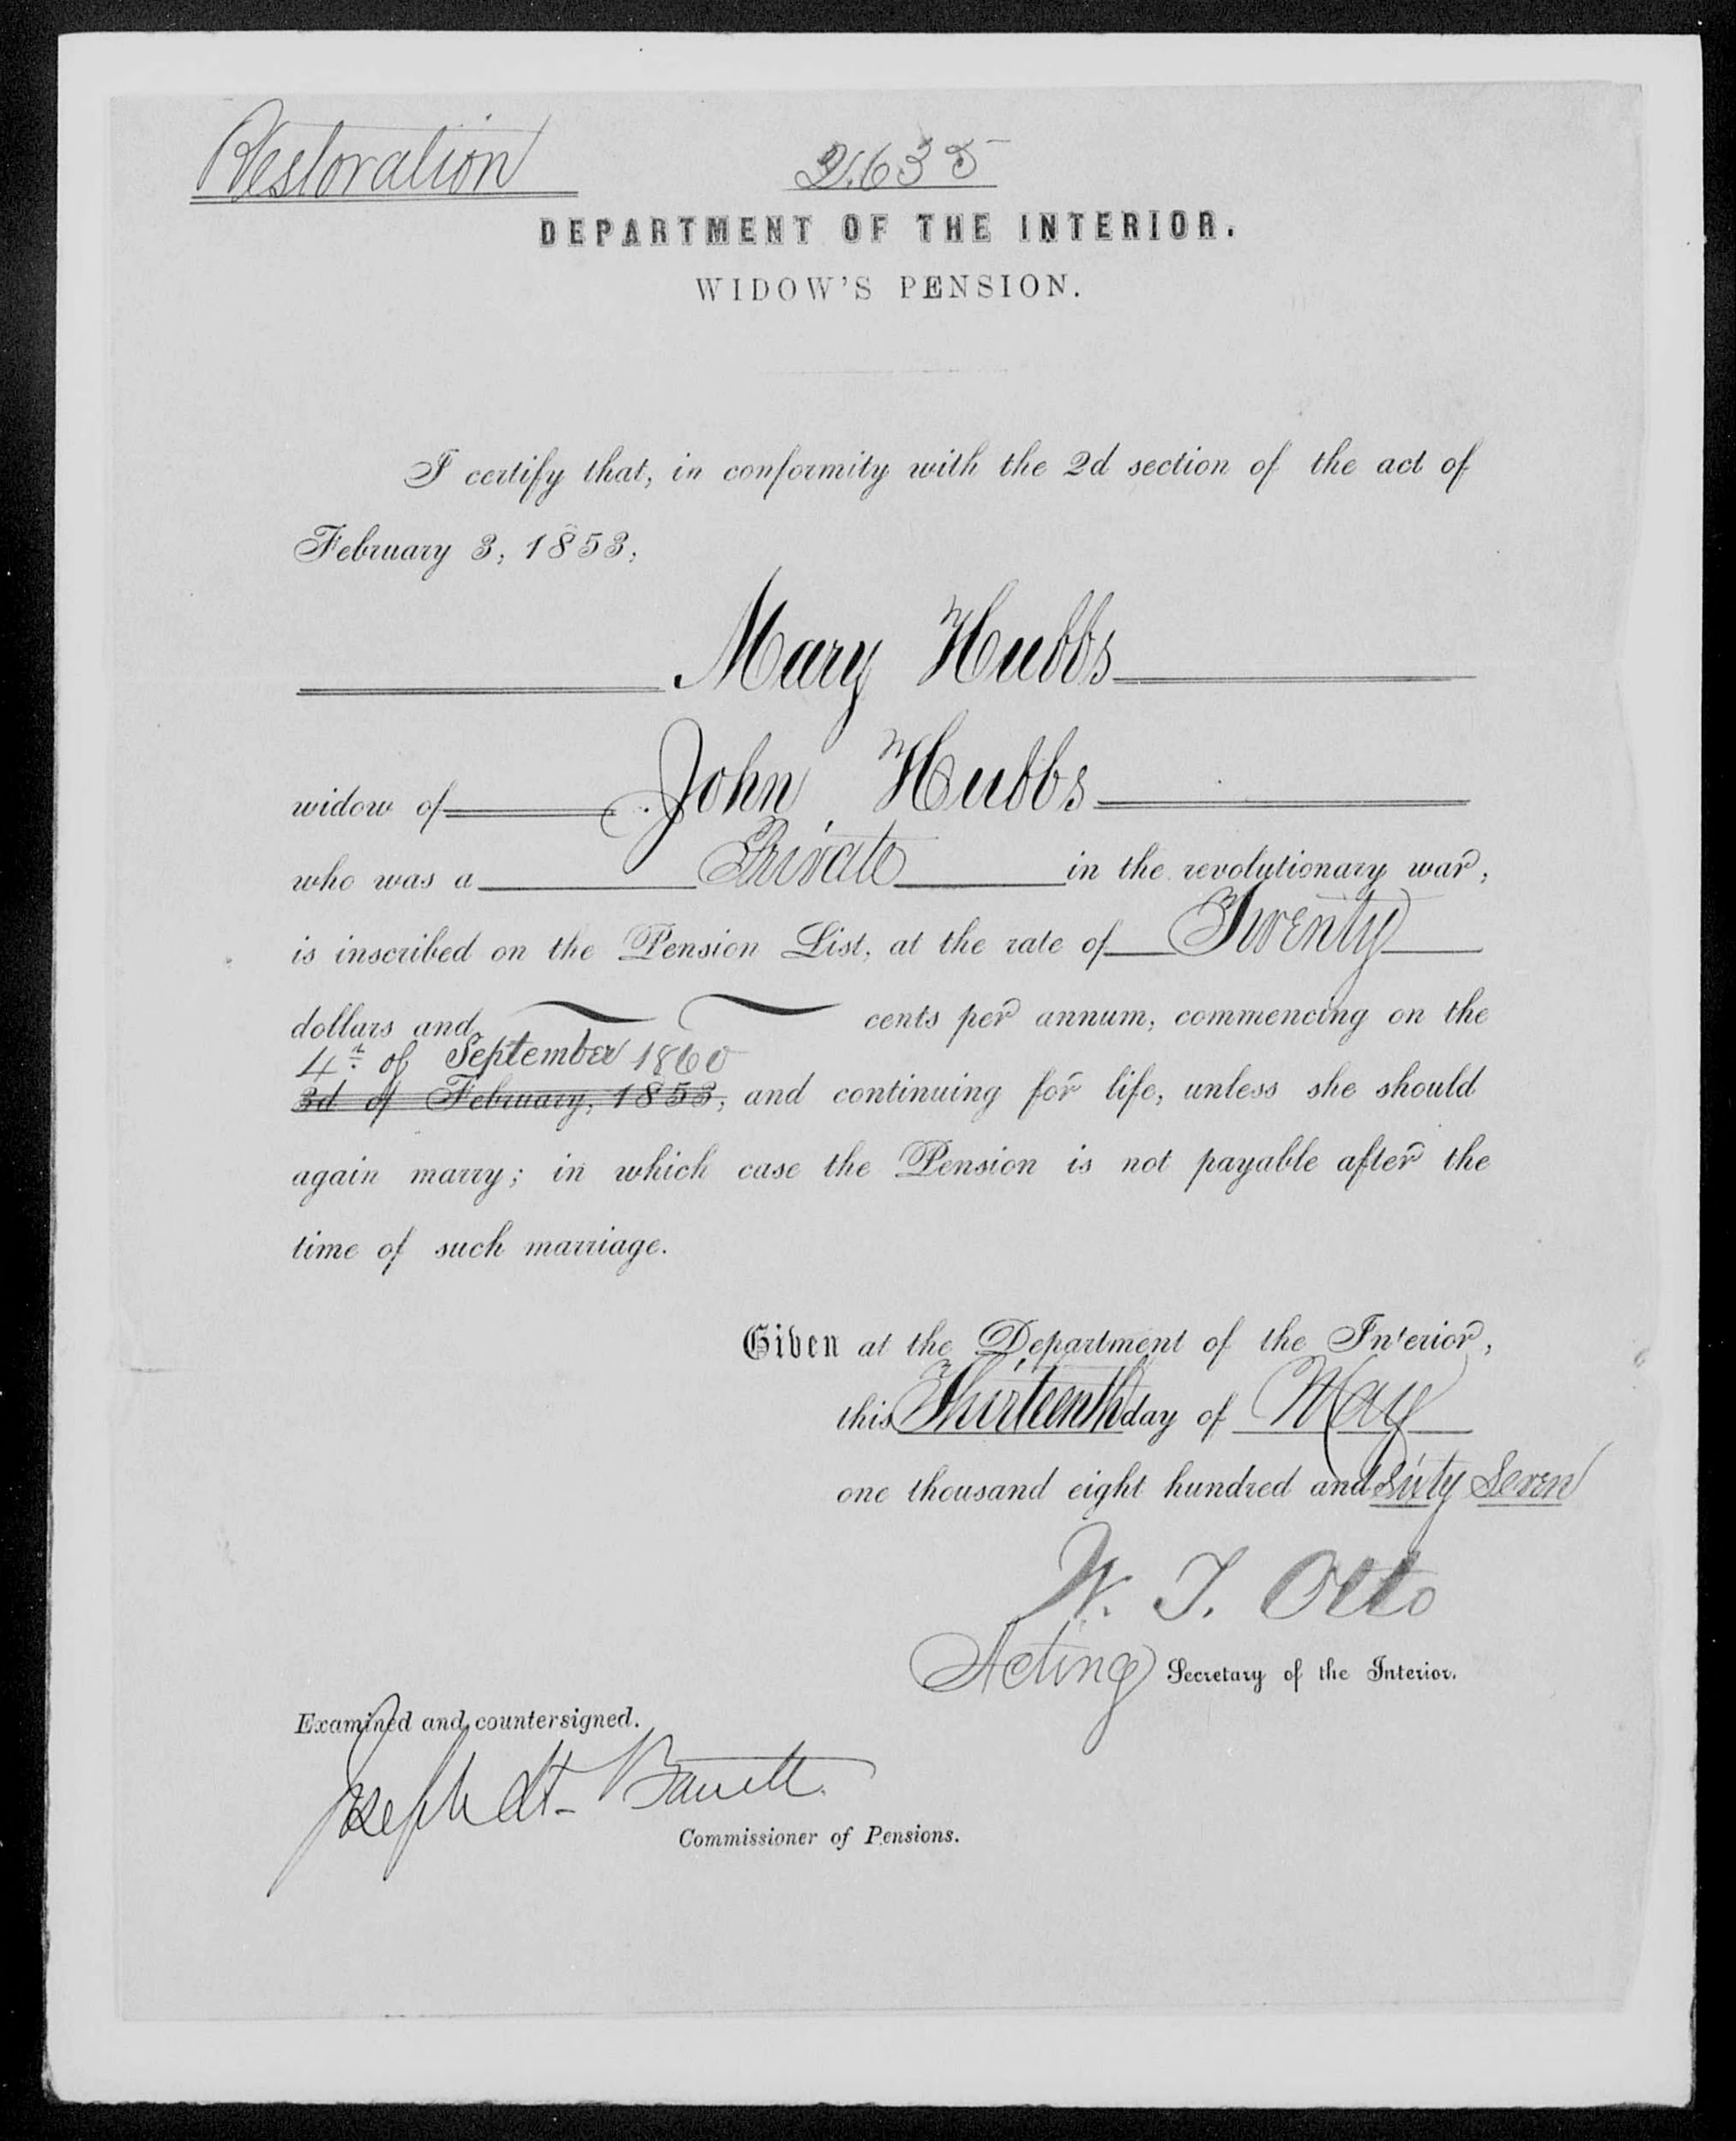Restoration. 2635
DEPARTMENT OF THE INTERIOR.
WIDOW'S PENSION.
I certify that in conformity with the act of February 3, 1853,
Mary Hubbs
widow of John Hubbs
who was a Private in the revolutionary war,
is inscribed on the pension list at the rate of Twenty
dollars and ---- cents 
per annum, commencing on the
4th of September, 1860 and continuing for life, unless she should again
marry; in which case the Pension is not payable after the time of such marriage.

Given at the Department of the Interior
this Thirteenth day of May
one thousand eight hundred and Sixty Seven.

W. J. Otto [signature]
Acting Secretary of the Interior.

Examined and Countersigned
Joseph [illegible] Bassett [signature]
Commissioner of Pensions.

[Cancelled is stamped across the document]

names: Joseph Sa Bassett, W J Otto, John Hubbs, Mary Hubbs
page: 59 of 86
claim: widow's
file: W. 1035, John Hubbs, S.C.